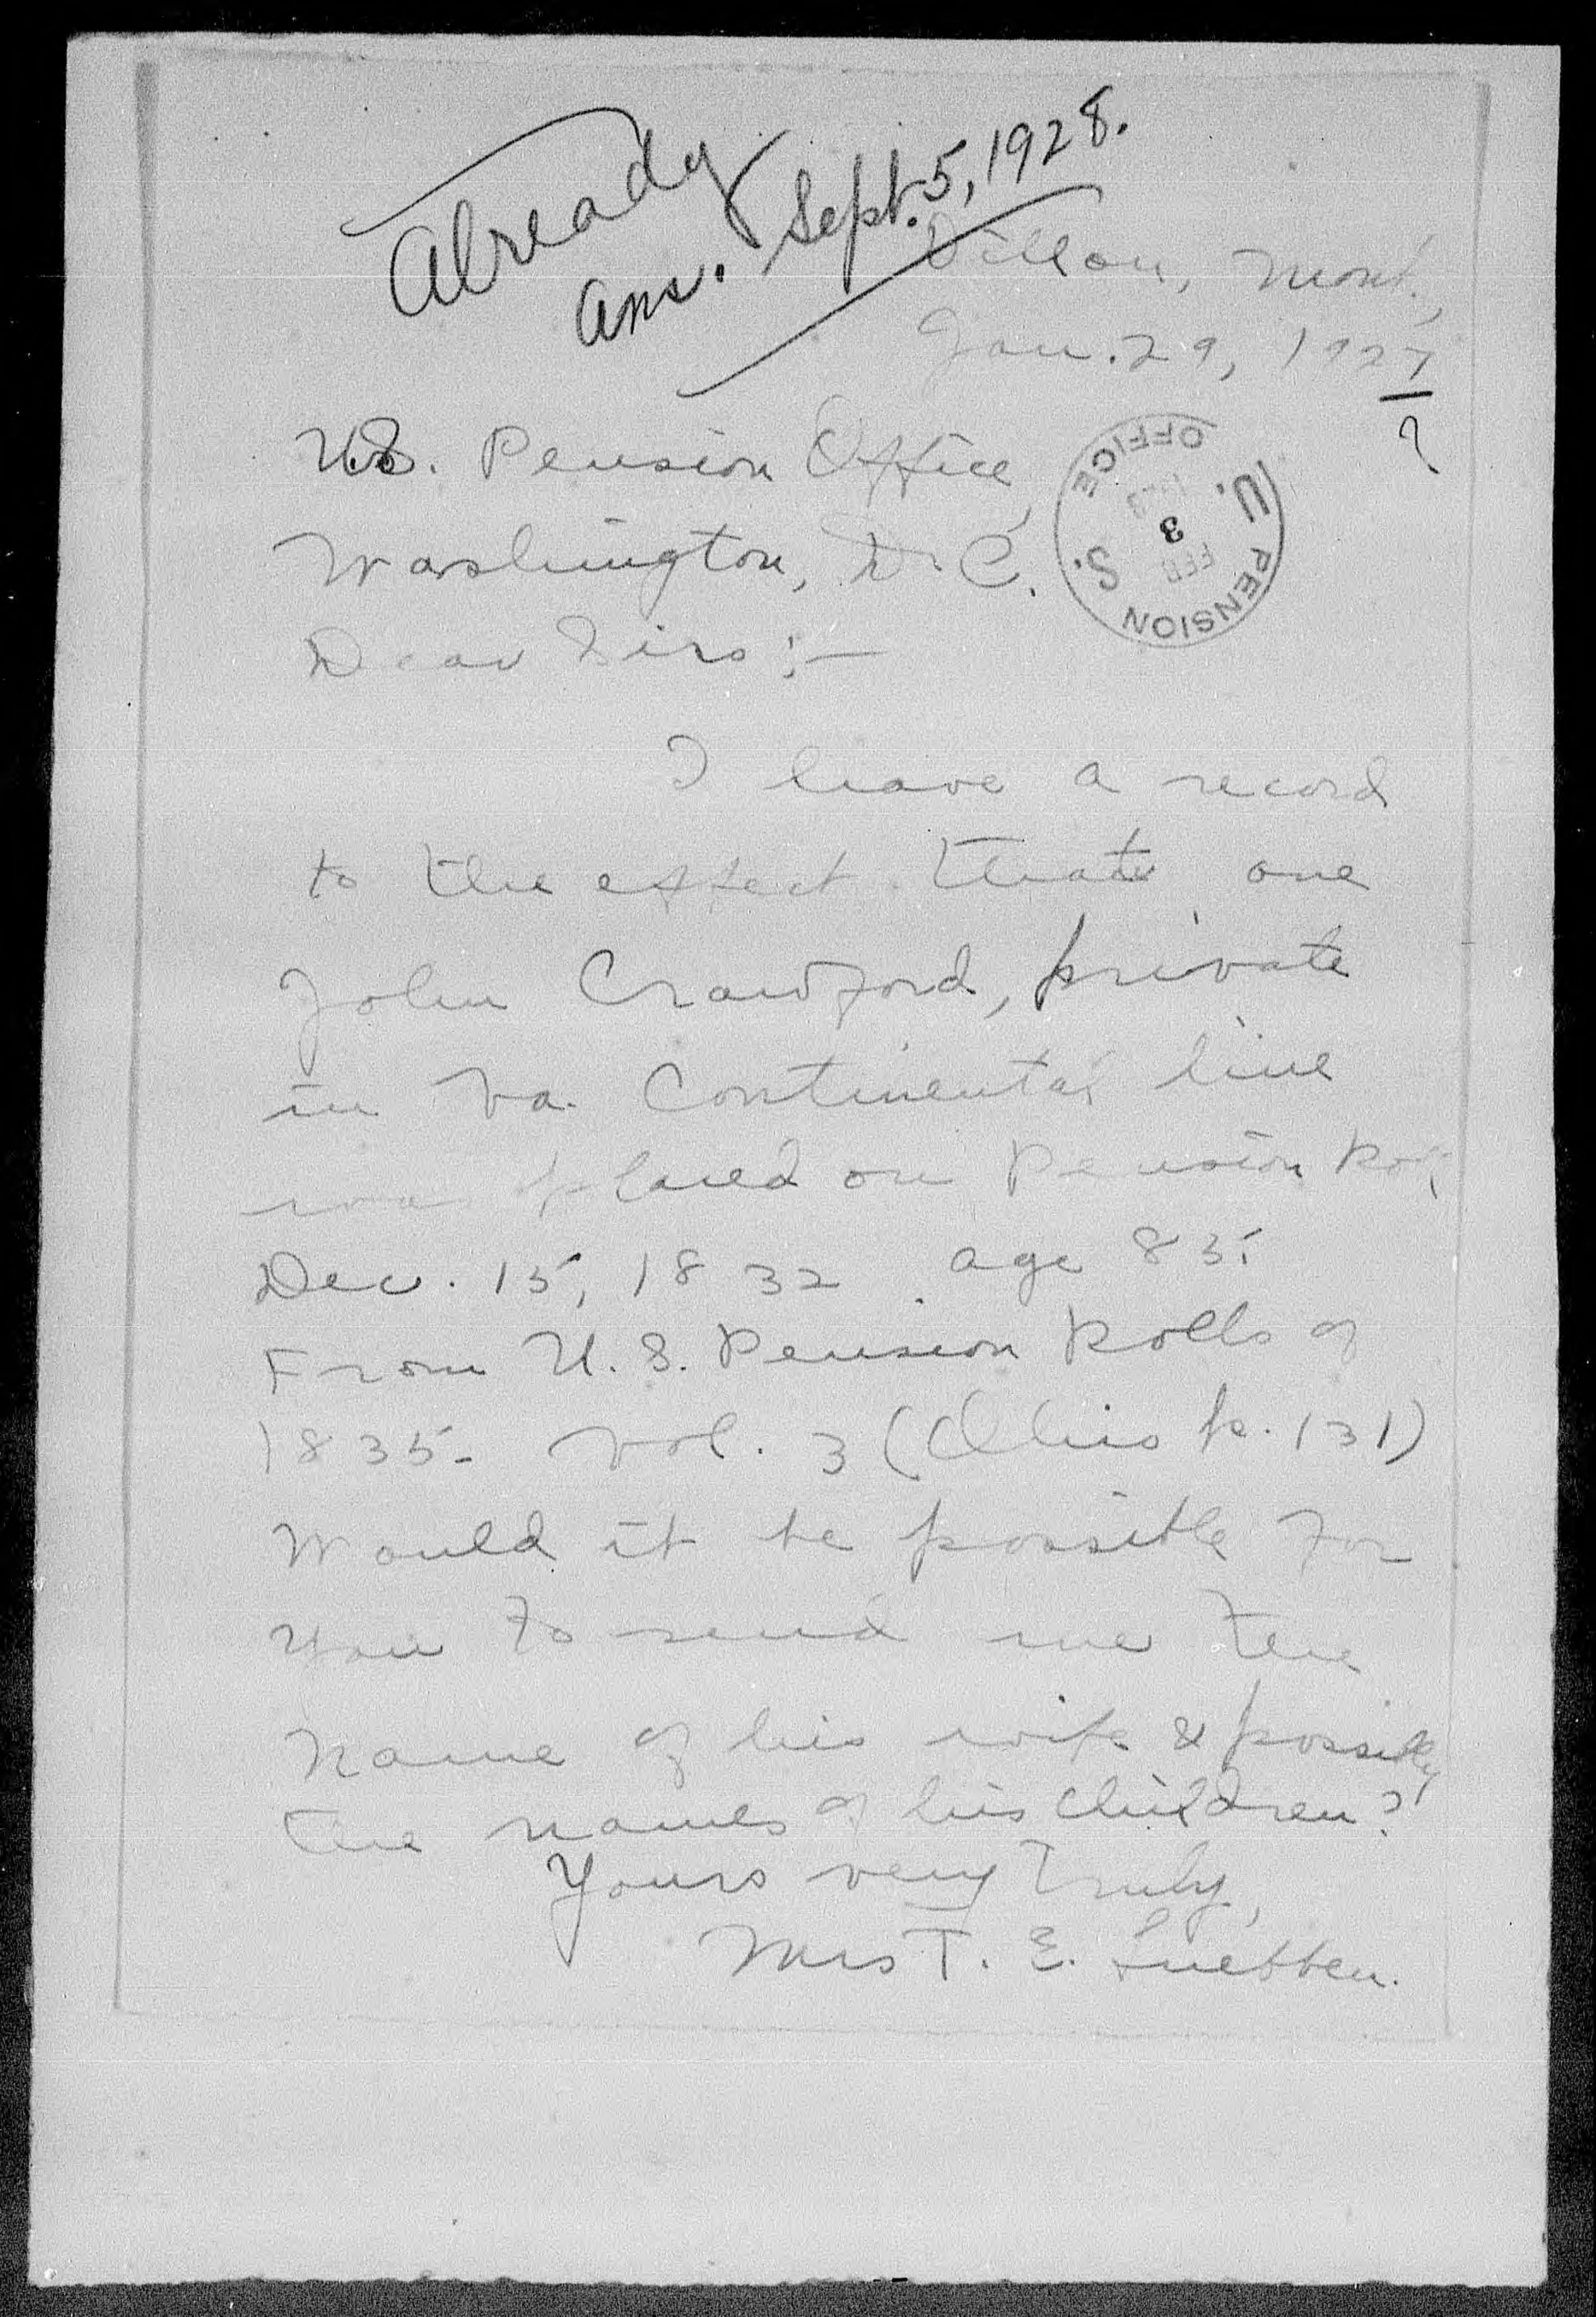Already Ans. Sept 5, 1925

Dillon Mont
Jan 29 1927?

U.S. Pension Office
Washington, D.C

Dear Sirs:
I have a record to the effect that one John Crawford, private in the Va. Continental line was placed  on Pension Roll Dec. 13, 1832 age 83.

From U.S. Pension Rolls of 1835 - Vol. 3 (Ohio.131)

Would it be possible for you to send me the Name of his wife & possibly the names of his children

Yours very truly
Mrs. T.E. Luebben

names: John Crawford, T E Luebben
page: 69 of 80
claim: widow's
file: W 2070, John Crawford, Penn.